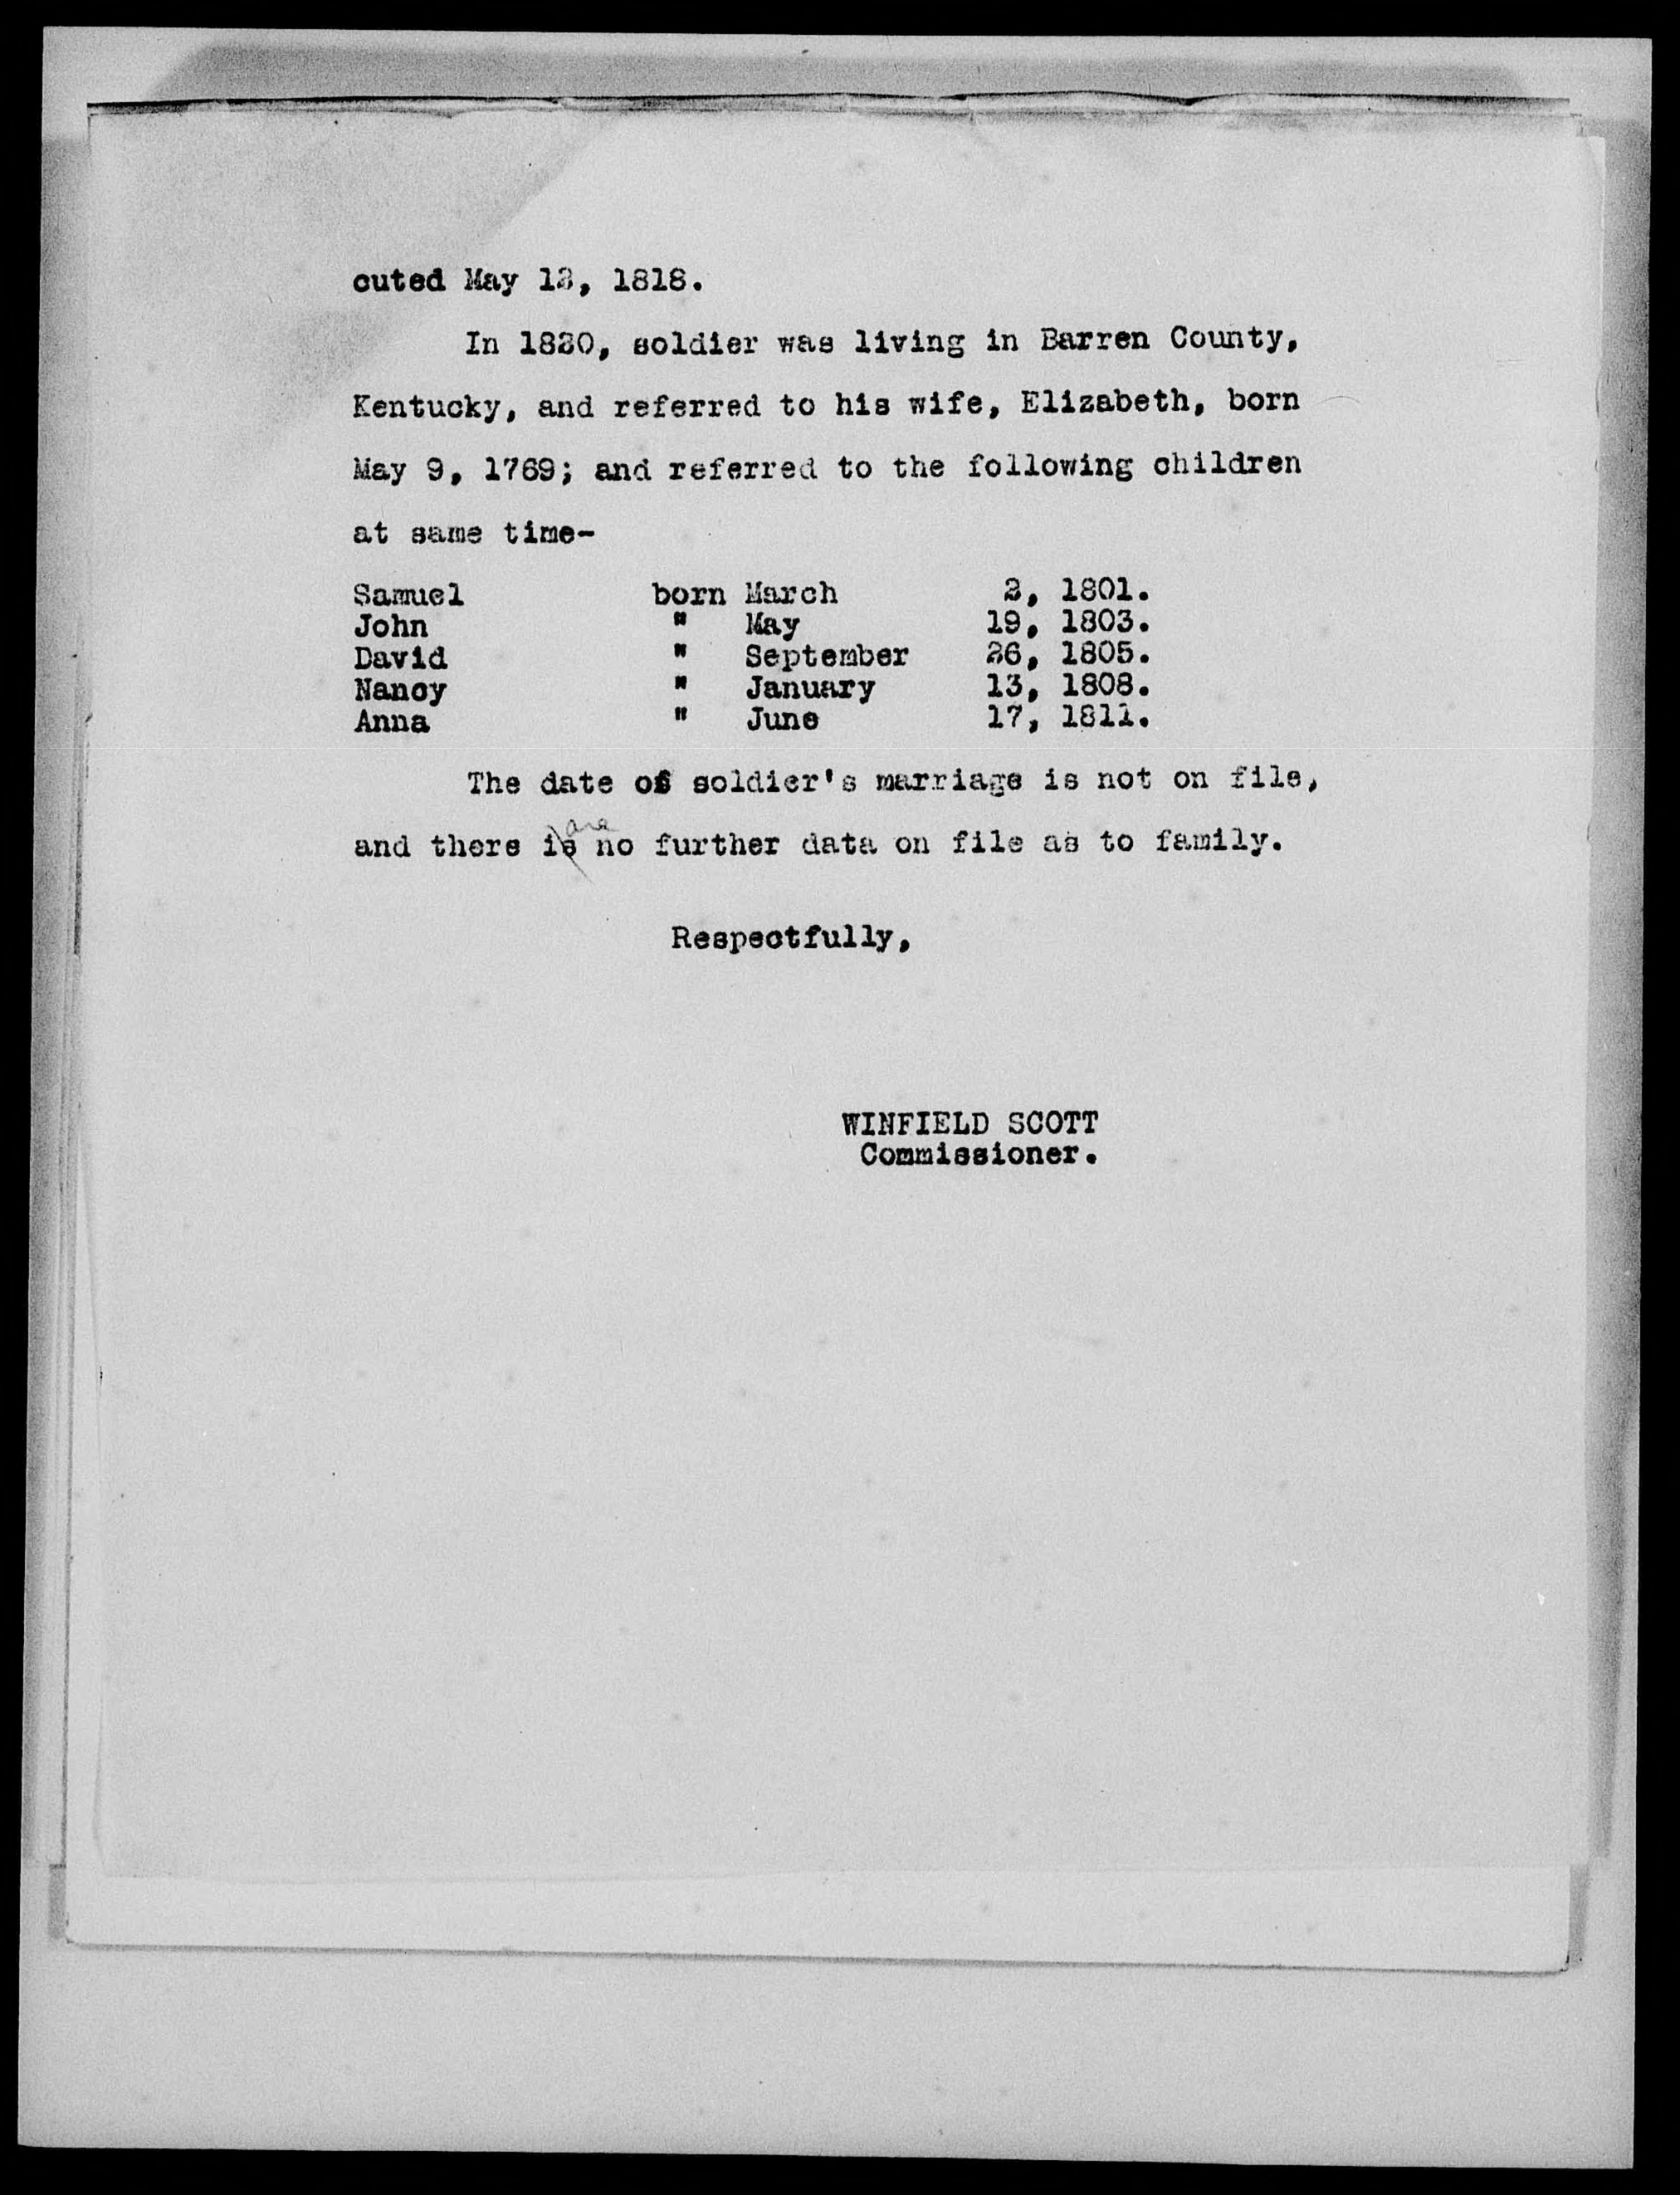cuted May 12, 1818.
In 1820, soldier was living in Barren County, Kentucky, and referred to his wife, Elizabeth, born May 9, 1769; and referred to the following children at same time-
Samuel born March 2, 1801.
John " May 19, 1803.
David " September 26, 1805.
Nancy " January 13, 1808.
Anna " June 17, 1811.
The date of soldier's marriage is not on file, and there is no further data on file as to family.
Respectfully,
WINFIELD SCOTT
Commissioner.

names: Samuel [BLANK]; Winfield Scott; Nancy [BLANK]; Anna [BLANK]; Elizabeth [BLANK]; David [BLANK]; John [BLANK]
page: 34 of 34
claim: survivor's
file: S. 36,051, for Samuel Luckett, Maryland